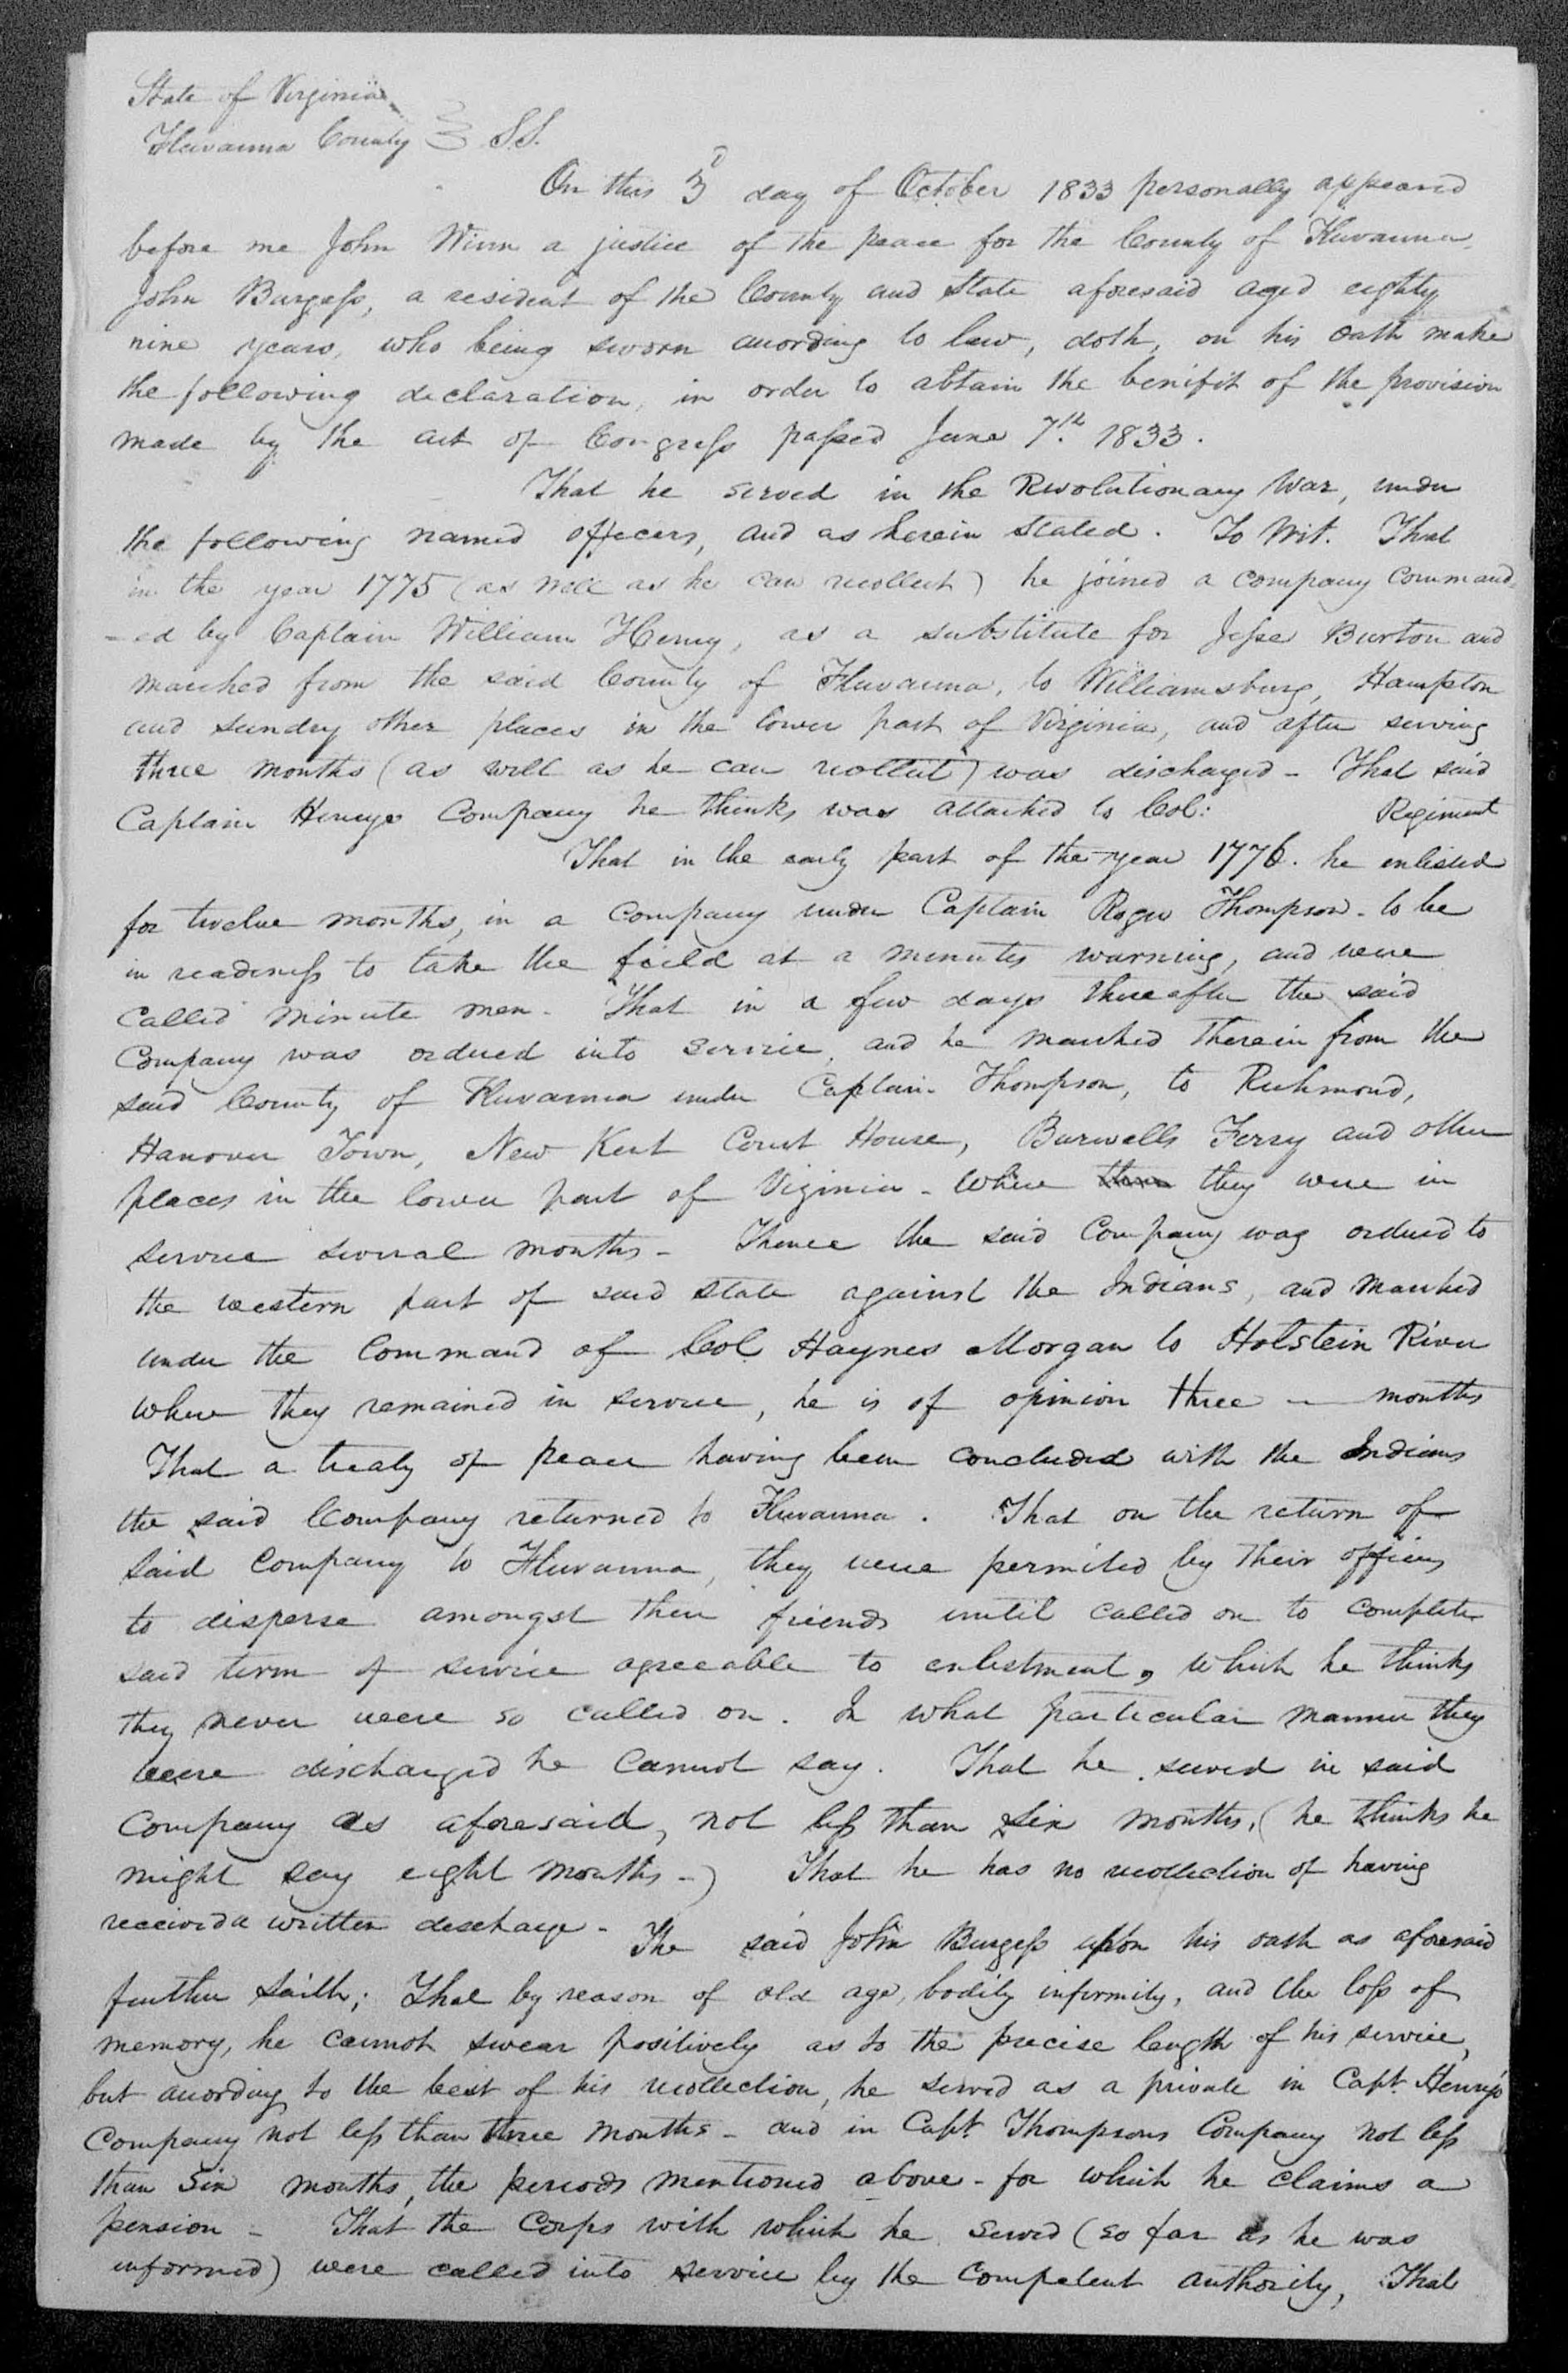State of Virginia
Fluvanna County  S.S.
On the 3d day of October 1833 personally appeared before me John Winn a justice of the peace for the County of Fluvanna, John Burgess, a resident of the County and State aforesaid aged eighty nine years who being sworn according to law, doth, on his oath make the following declaration in order to obtain the benefit of the provisions made by the Act of Congress passed June 7th 1833.
That he served in the Revolutionary War, under the following named officers, and as herein stated.  To Wit. That in the year 1775 (as well as he can recollect) he joined a company commanded by Captain William Henry, as a substitute for Jesse Burton and marched from the said County of Fluvanna, to Williamsburg, Hamton and Sundry other places in the lower part of Virginia, and after serving three months (as well as he can recollect) was discharged - That said Captain Henrys Company he thinks, was attached to Col    Regiment.
That in the early part of the year 1776, he enlisted for twelve months, in a company under Captain Roger Thomson, to be in readiness to take the field at a minutes warning, and were called minute men.  That in a few days thereafter the said Company was ordered into service, and he marched therein from the said County of Fluvanna under Captain Thompson, to Richmond, Hanover Town, New Kent Court House, Burwells Ferry and other places in the lower part of Virginia- where they were in service several months - Thence the said Company was ordered to the western part of said state against the Indians, and marched under the Command of Col Haynes Morgan to Holstein River where they remained in service, he is of opinion three months.,  That a treaty of peace having been concluded with the Indians the said Company returned to Fluvanna.  That on the return of said Company to Fluvanna, they were permitted by their officers to disperse amongst their friends until called on to complete said term of service agreeable to enlistment, which he thinks they never were so called on.  In what particular manner they were discharged he cannot say.  That he served in said Company as aforesaid, not less than Six months, (he thinks he might say eight months.)  That he has no recollection of having received a written discharge.  The said John Burgess upon his oath as aforesaid further saith, That by reason of old age, bodily infirmity, and the loss of memory, he cannot swear positively as to the precise length of his service,  but according to the best of his recollection, he served as a private in Capt Henry's Company not less than three months, and in Capt Thompsons Company not less than six, months, the periods mentioned above for which he claims a pensions - That the Corps with which he served (so far as he was informed) were called into service by the competent authority, That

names: Thompson, Haynes Morgan, Roger Thompson, John Burgess, John Winn, William Henry, Jesse Burton, John Burgess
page: 9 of 16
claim: survivor's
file: S. 8113, John Burgess, Va.